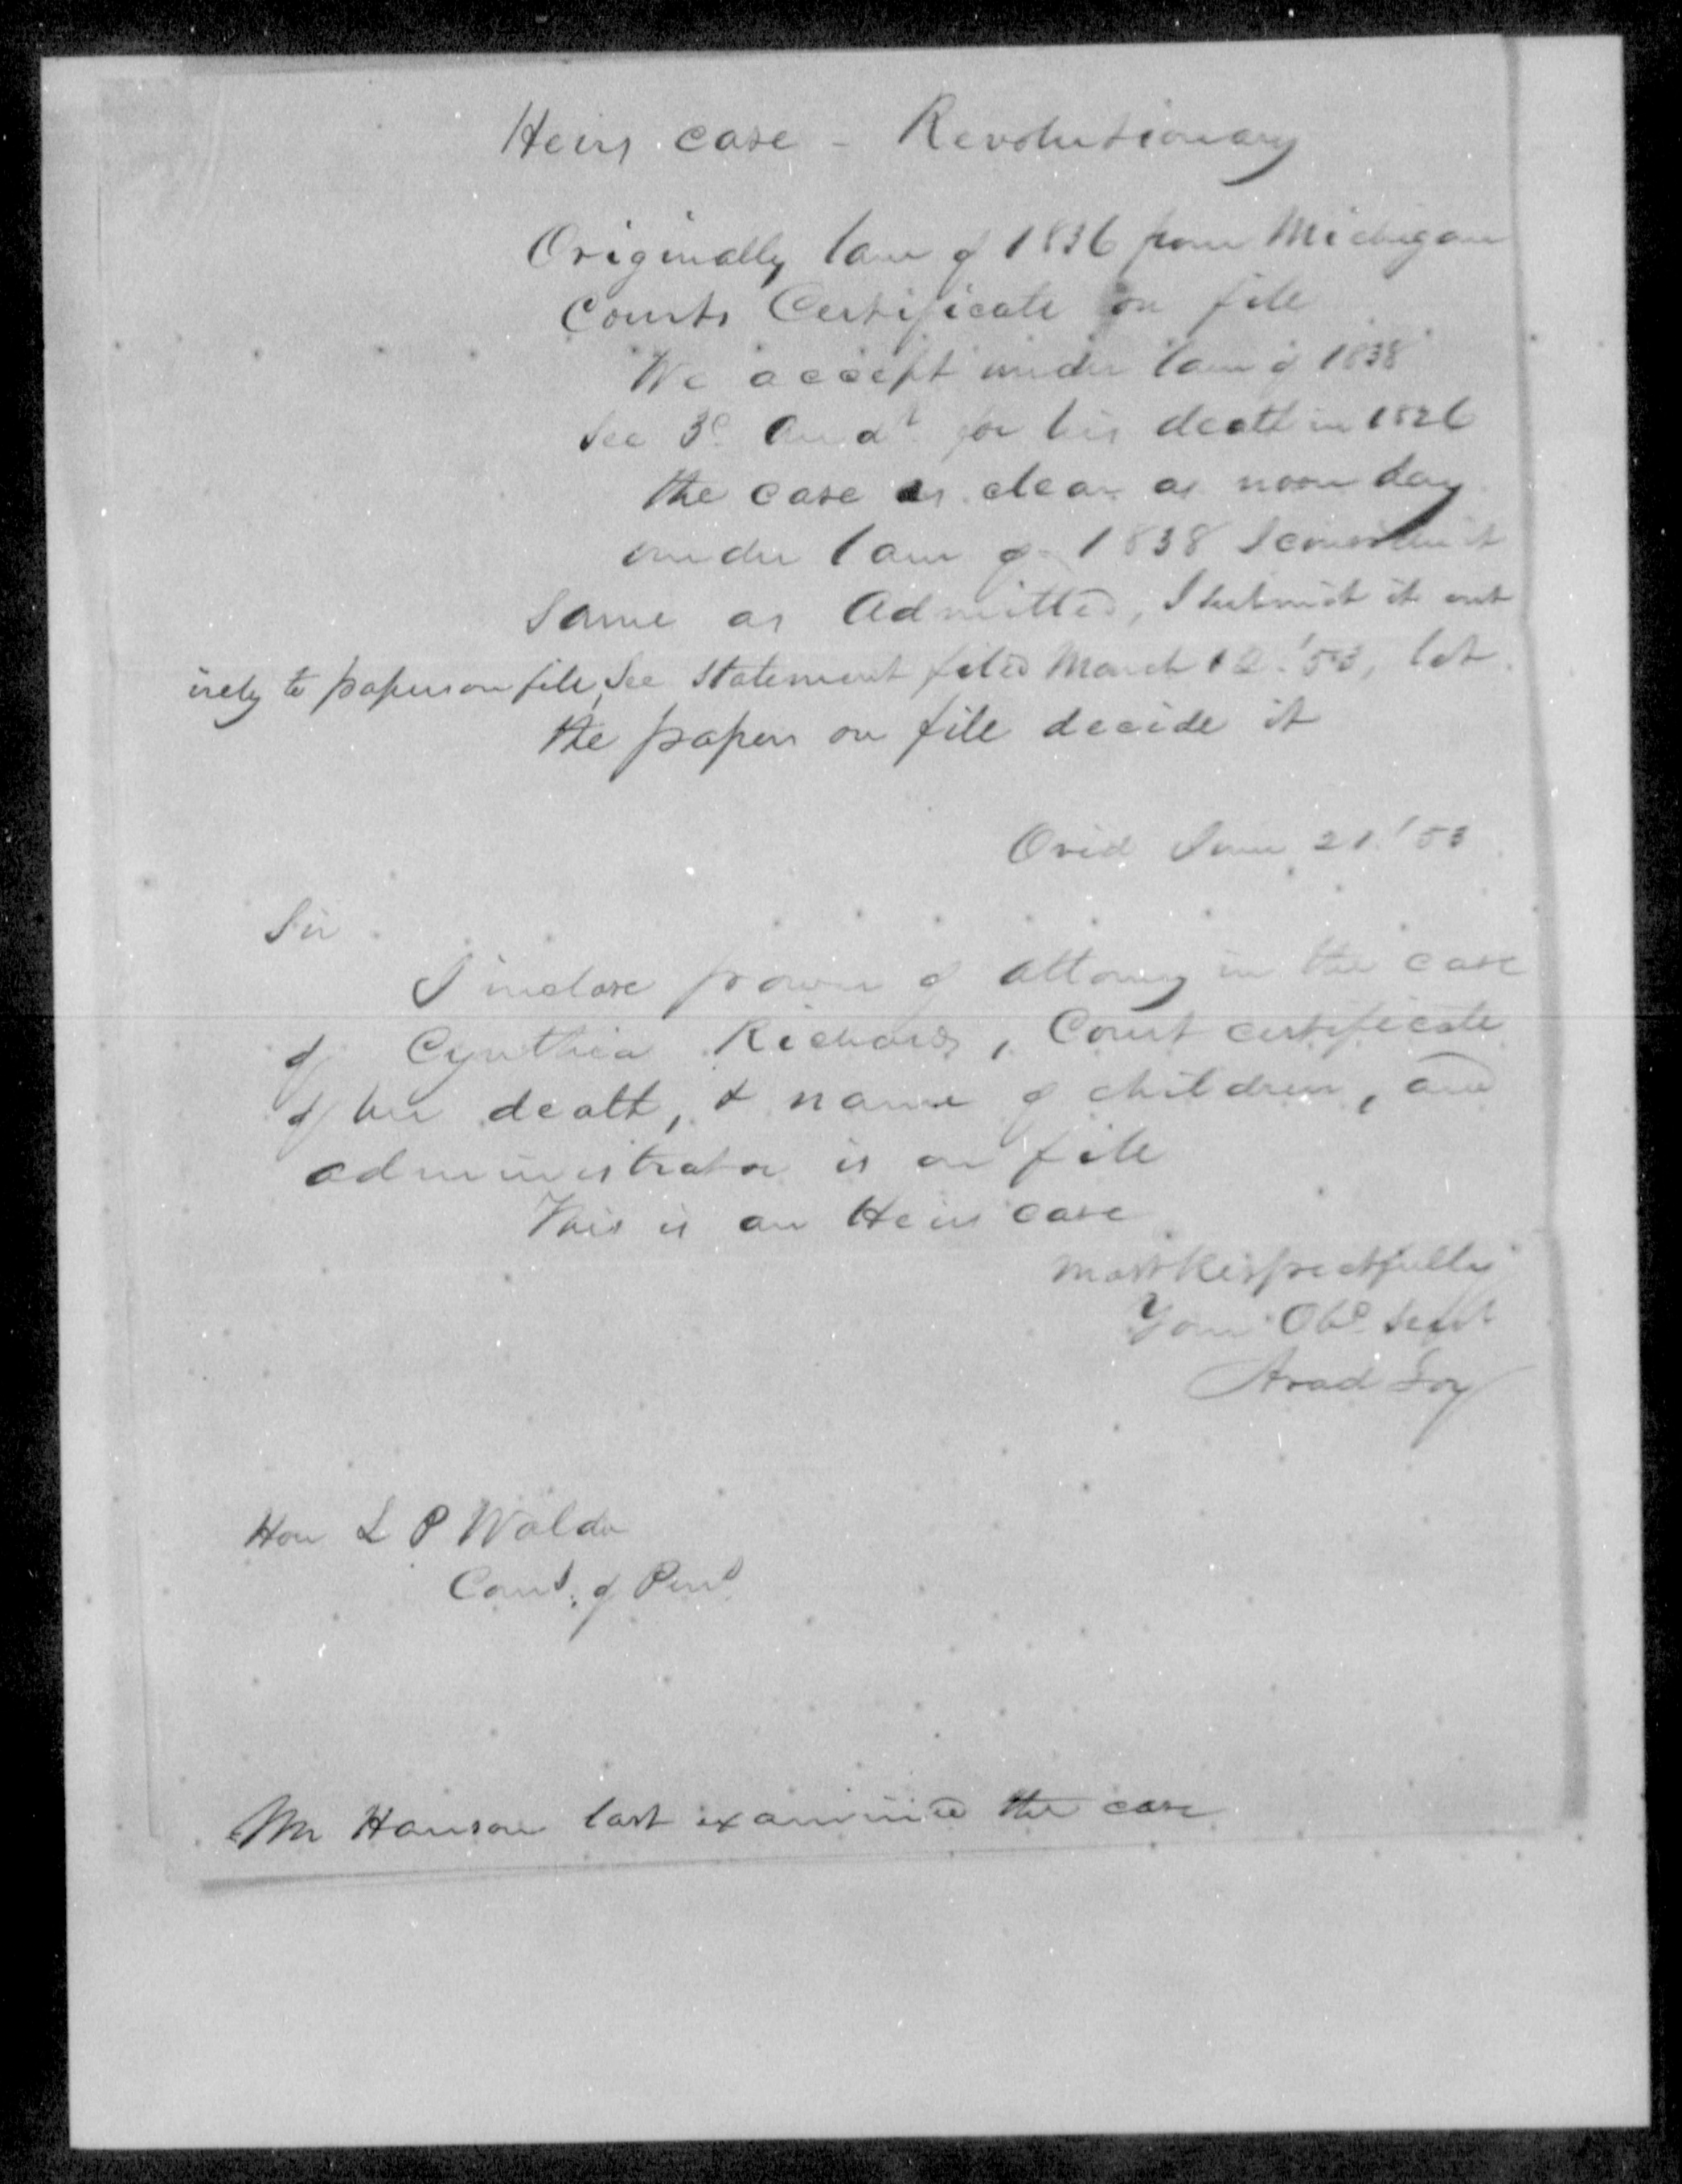Heirs case- Revolutionary
Originally law of 1836 from Michigan Courts Certificate on file
We accept under law of 1838 Sec 3 and for his death in 1826 the case a clear as noon day
under law of 1838 I consider it same as Admitted. I submit it entirely to papers on file, See statement filed March 12.'[18]53, Let
the paper on file decide it

Ovid June 21 '[18]53
Sir
I inclose [ENCLOSE] power of attorney in the case of Cynthia Richards, Court certificate
of her death & name of children, and
administrator is on file
This is an heirs case
Most Respectfully
Your Obt [OBEDIENT] Servt [SERVANT]
Arad Joy
Hon [HONORABLE] L P Waldo
Comr [COMMISSIONER] of Pens [PENSIONS]
Mr Hanson last examined the case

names: Cynthia Richards; L P Waldo; [BLANK] Ovid; Arad Joy; [BLANK] Hanson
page: 91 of 109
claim: widow's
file: W. 5709, for Thomas Richards, New Hampshire